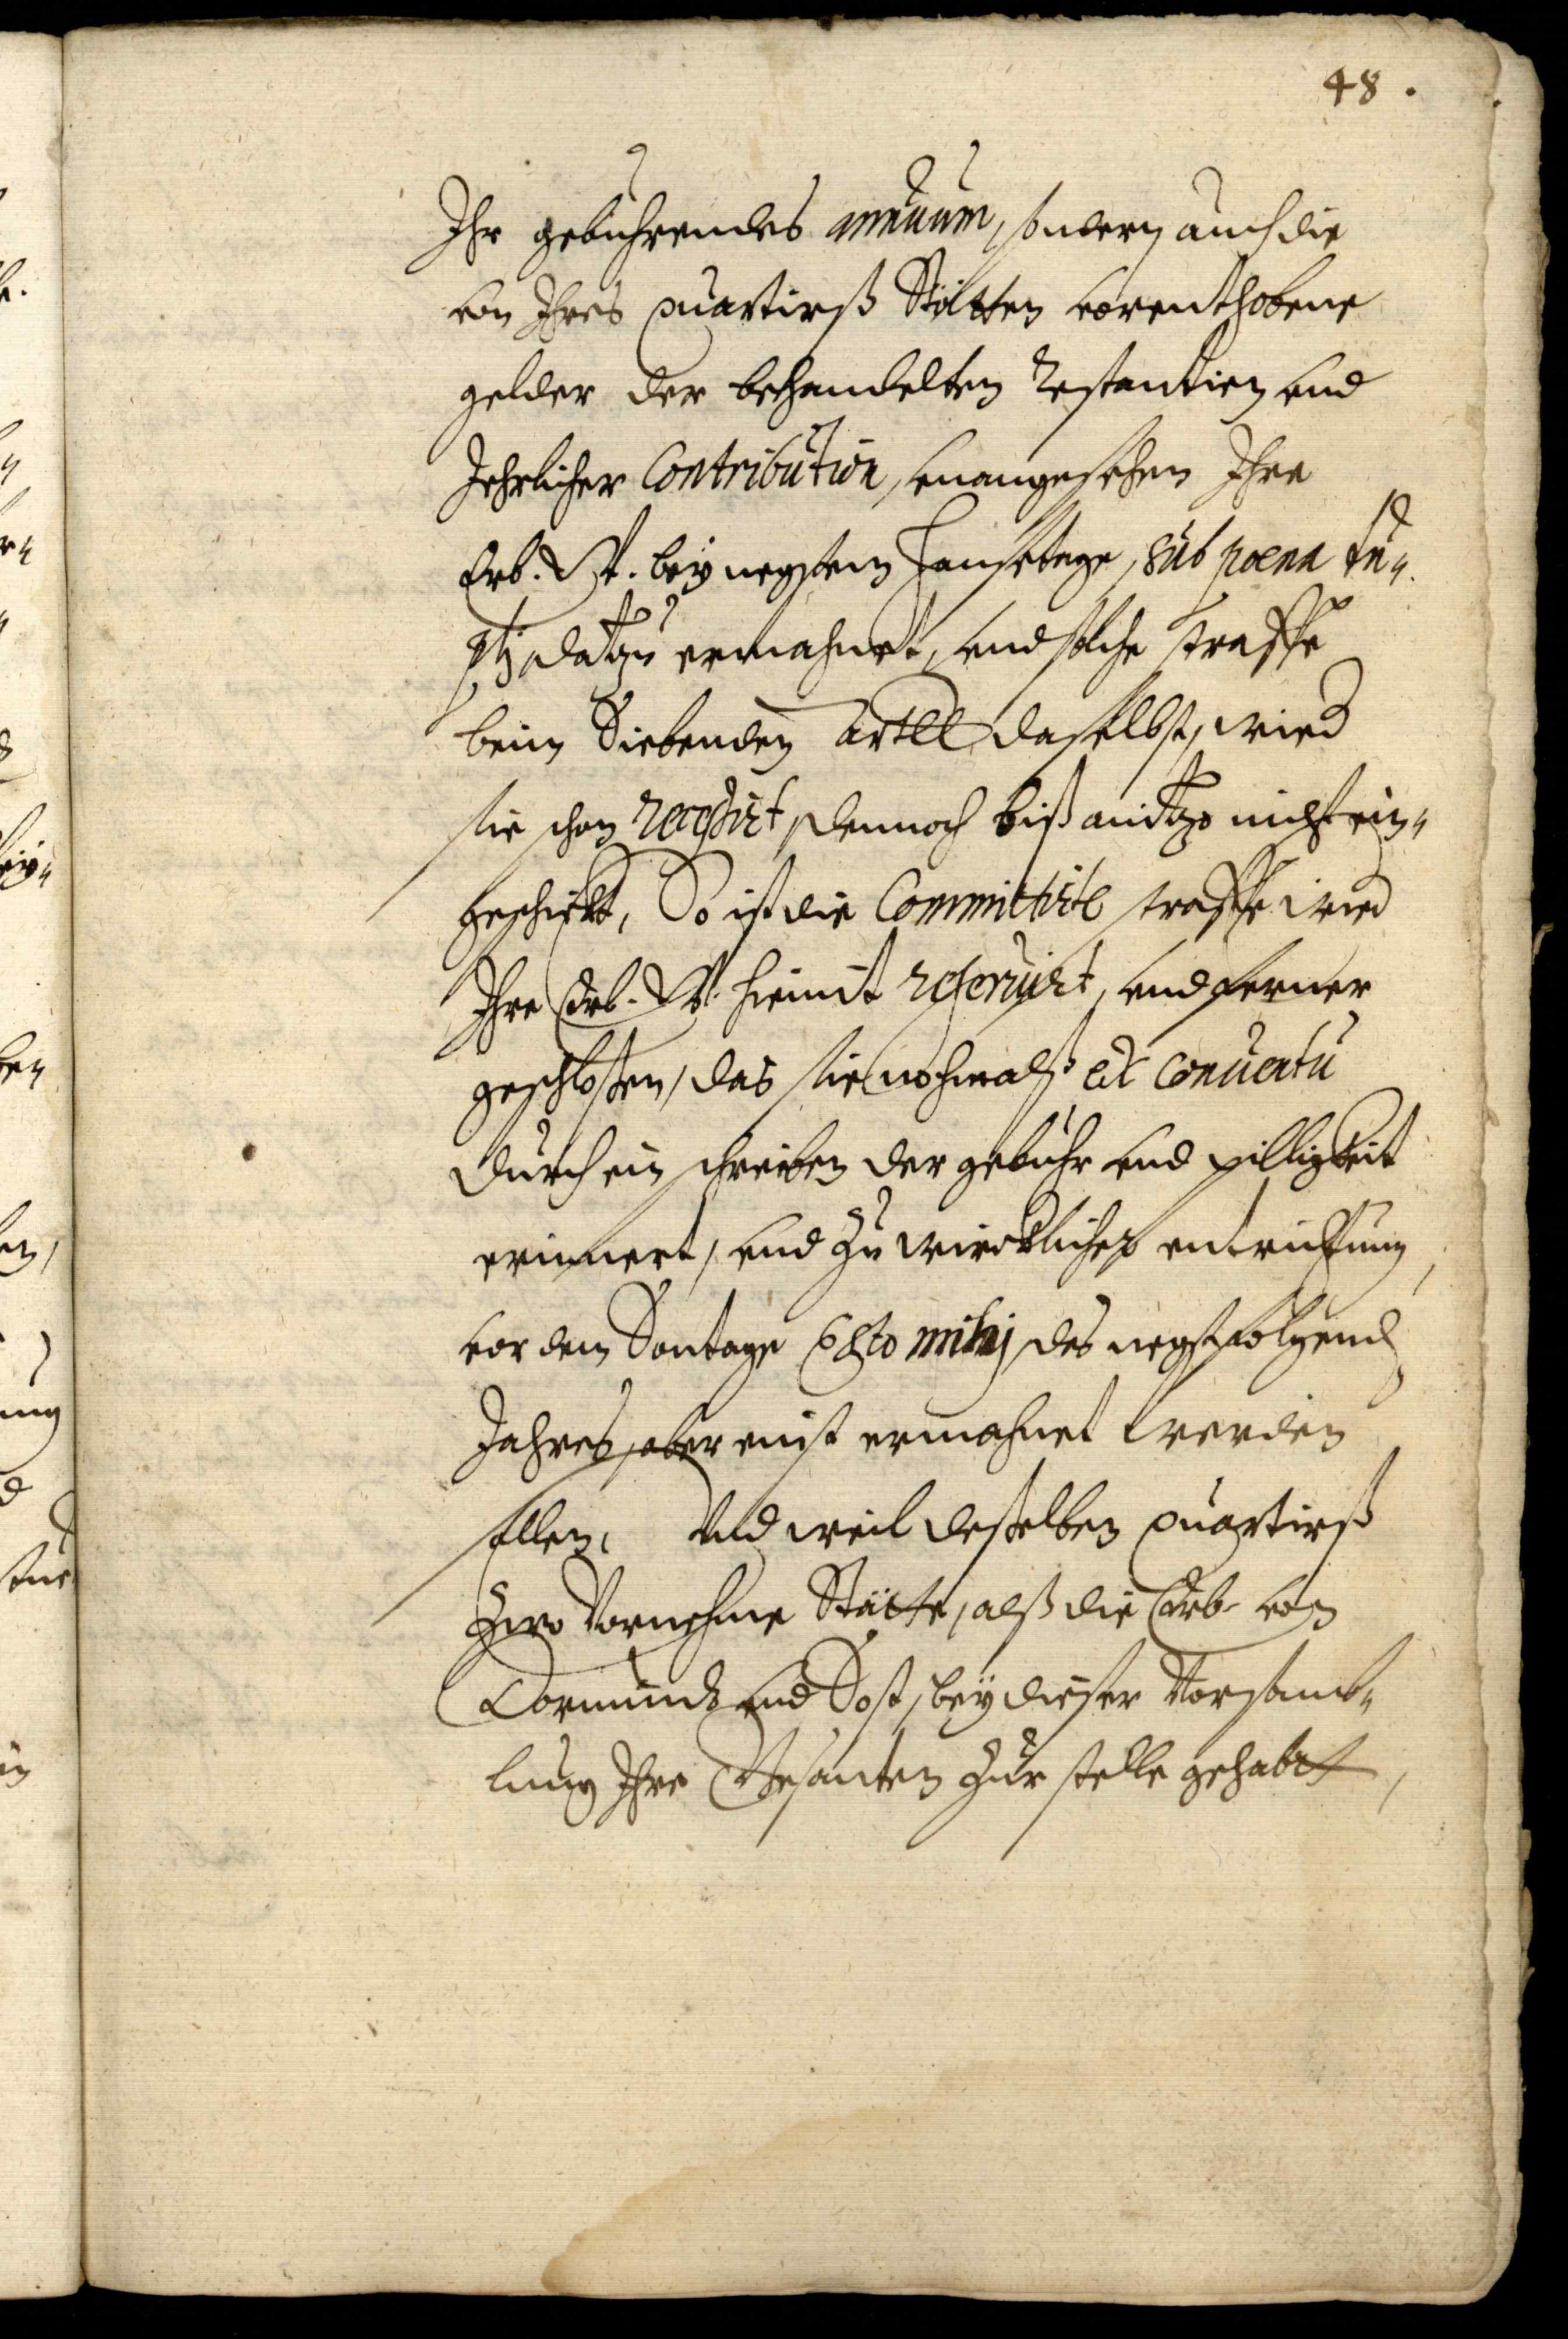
48.
Ihr gebuhrendes annuum, sondern auch die
ein Ihres quartirß Stätten vorenthobene
gelder der behandelten Restantien vnd
Jehrlicher Contribution, vnangesehen Ihre
Erb. W. beij negstem Hansetage, sub poena de¬
plj ermahnet, vnd solche straffe
beim Siebenden Artll daselbst wieder
sie schon recessirt, dennoch biß anitzo nicht ein¬
geschickt, So ist die committirte straffe wieder
Ihre Erb. W. hiemit reseruirt, vnd ferner
geschloßen, das sie nochmalß ex conuentu
durch ein schreiben der gebuhr vnd pilligkeit
erinnert, vnd zu wurcklicher entrichtung
vor dem Sontage Esto mihi des negstfolgenden
Jahres, aber nicht ermahnet werden
sollen, Vnd weil deselben quartirß
zwo vornehme Stätte, alß die Erb. von
Dormundt vnd Sost beij dieser vorhand¬
lung Ihre Gesanten zur Stelle gehabt,
